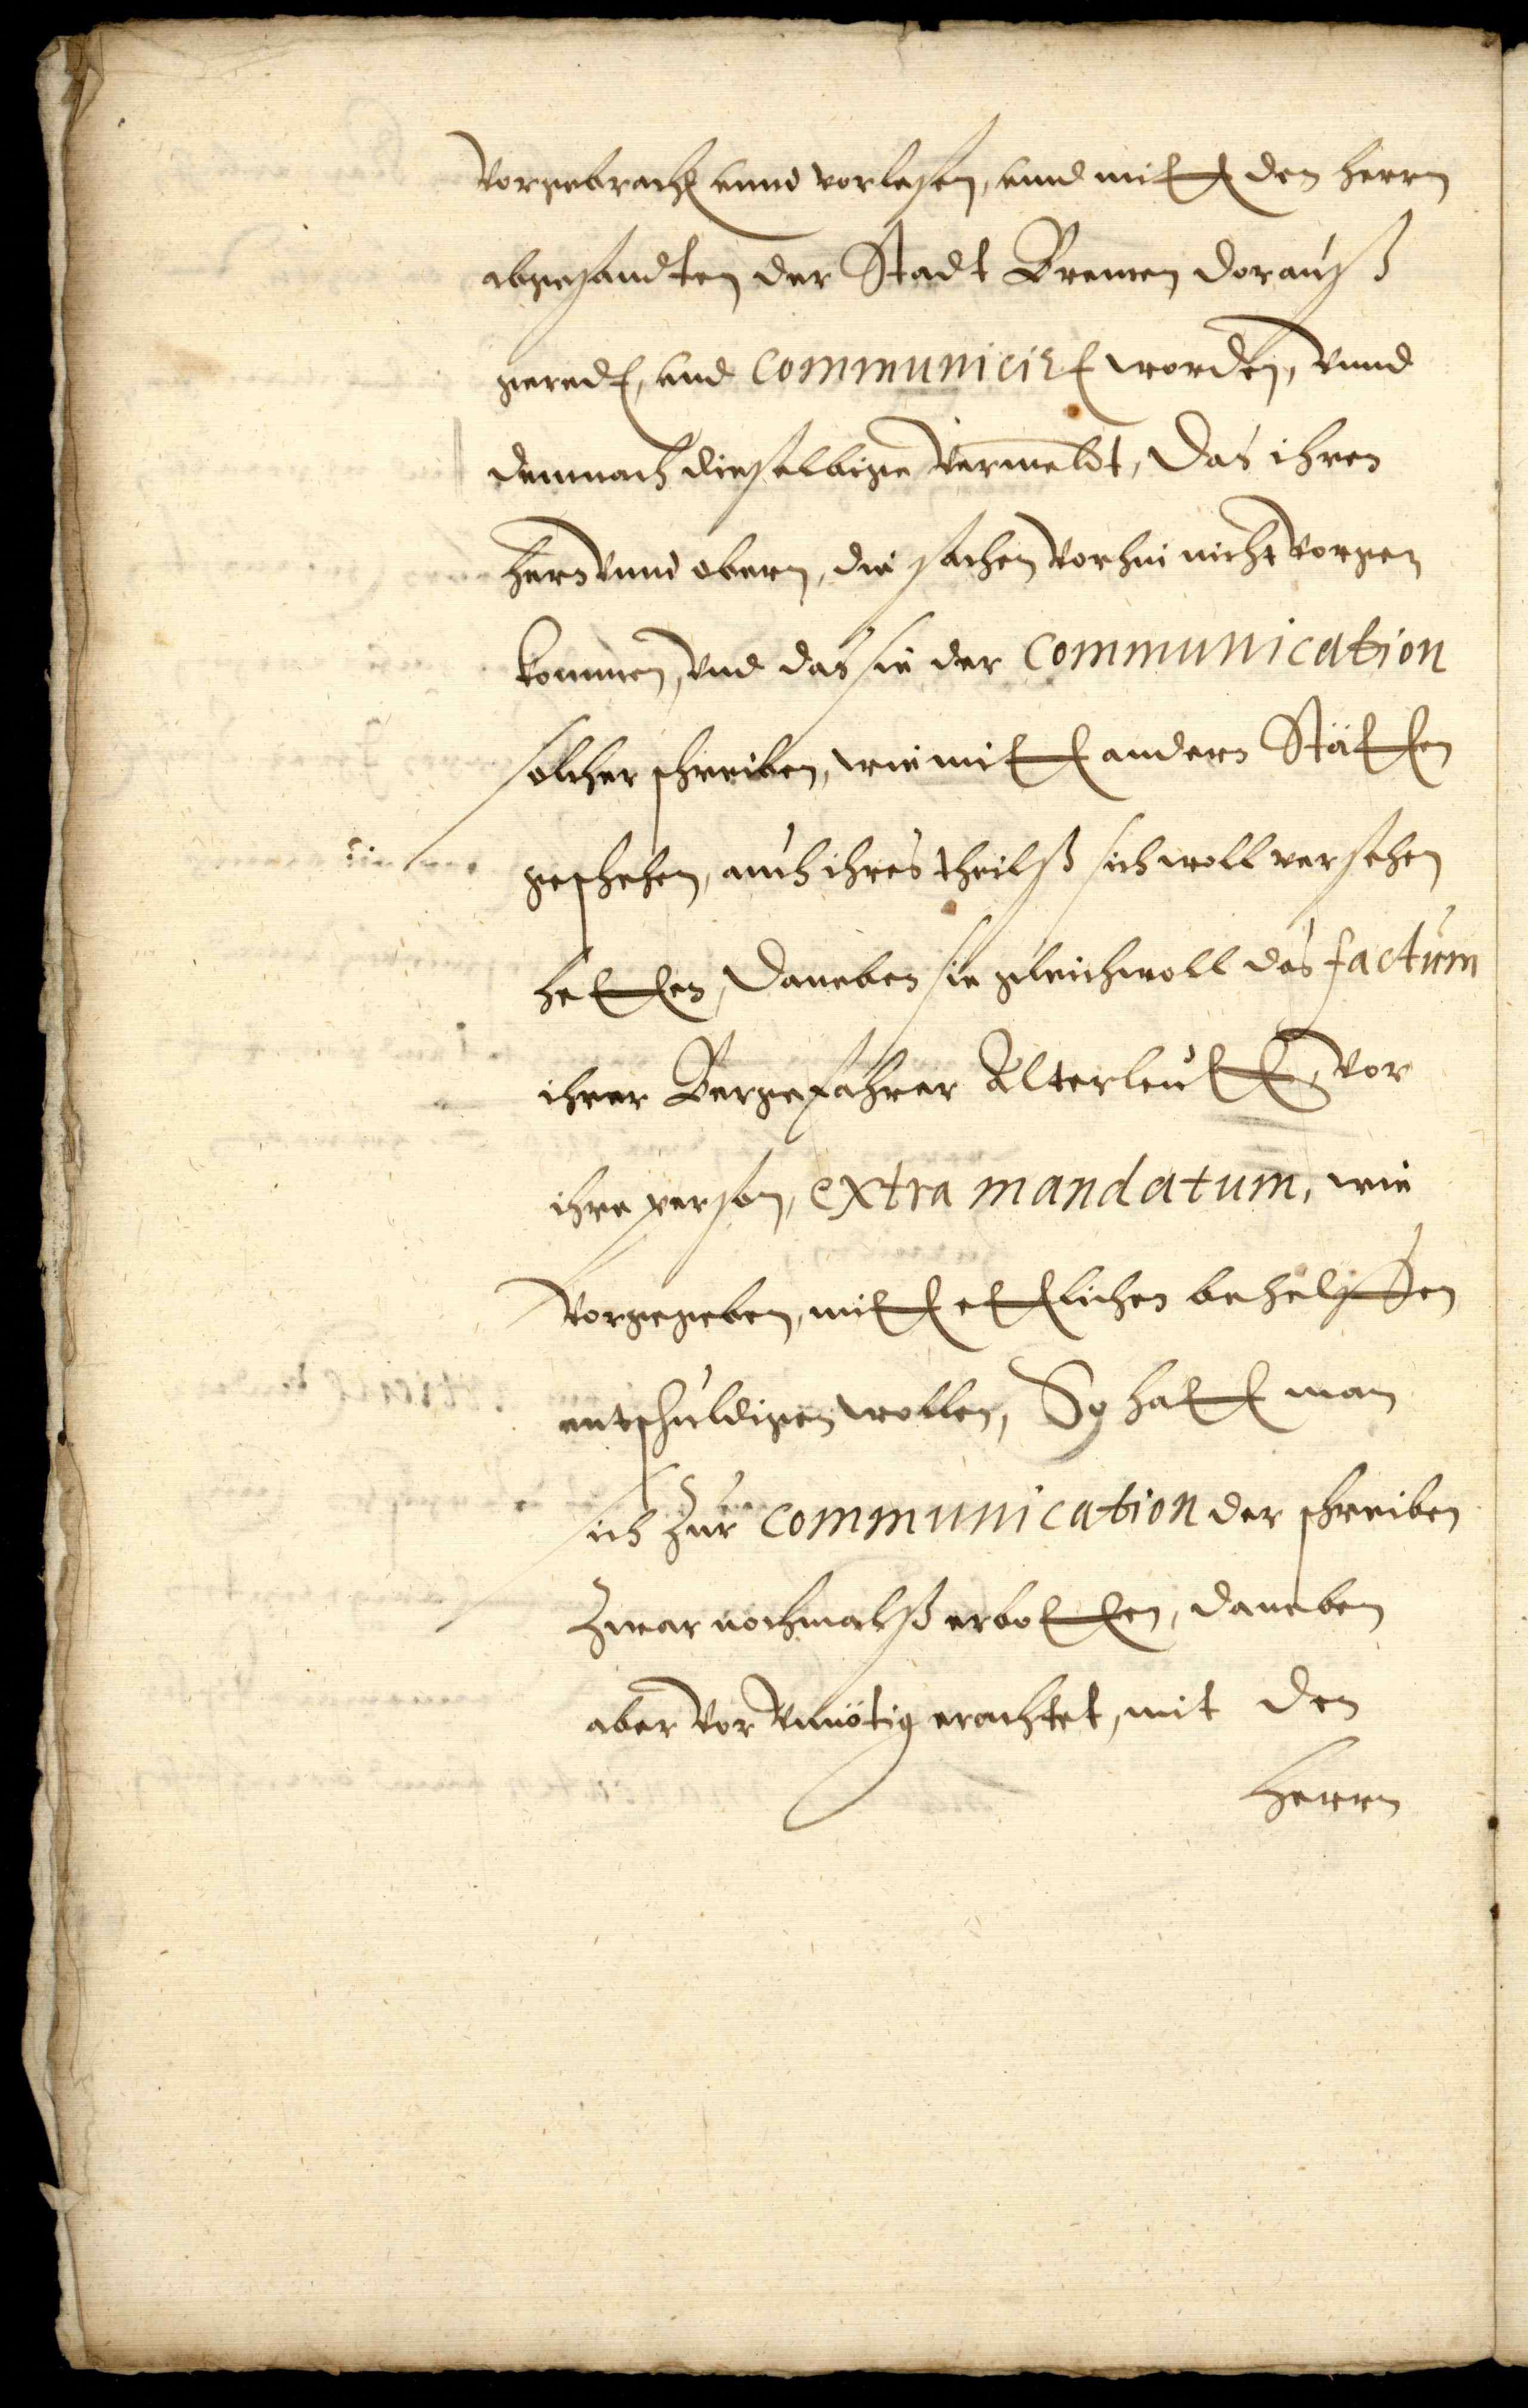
vorgebracht vnd vorlesen, vnnd mitt den herrn
abgesandten der Stadt Bremen darauß
geredt, vnd communicirt worden, Vnnd
demnach dieselbigen Vermeldt, Das ihren
hern Vnnd obern, die solchen Vorhin nicht Vorge¬
kommen, vnd das sie der communication
solcher schreiben, wie mitt andern Stätten
geschehen auch ihrestheilß sich woll verstehen
hetten, daneben sie gleichwoll das factum
ihrer Bergenfahrer Alterleutt, Vor
ihre person, extra mandatum, wie
Vorgegeben, mitt ettlichen behelffen
entschuldigen wollen, So hatt man
sich zur communication der schreiben
Zwar nochmalß erbotten, daneben
aber Vor Vnnötig erachtet, mit den
herrn
